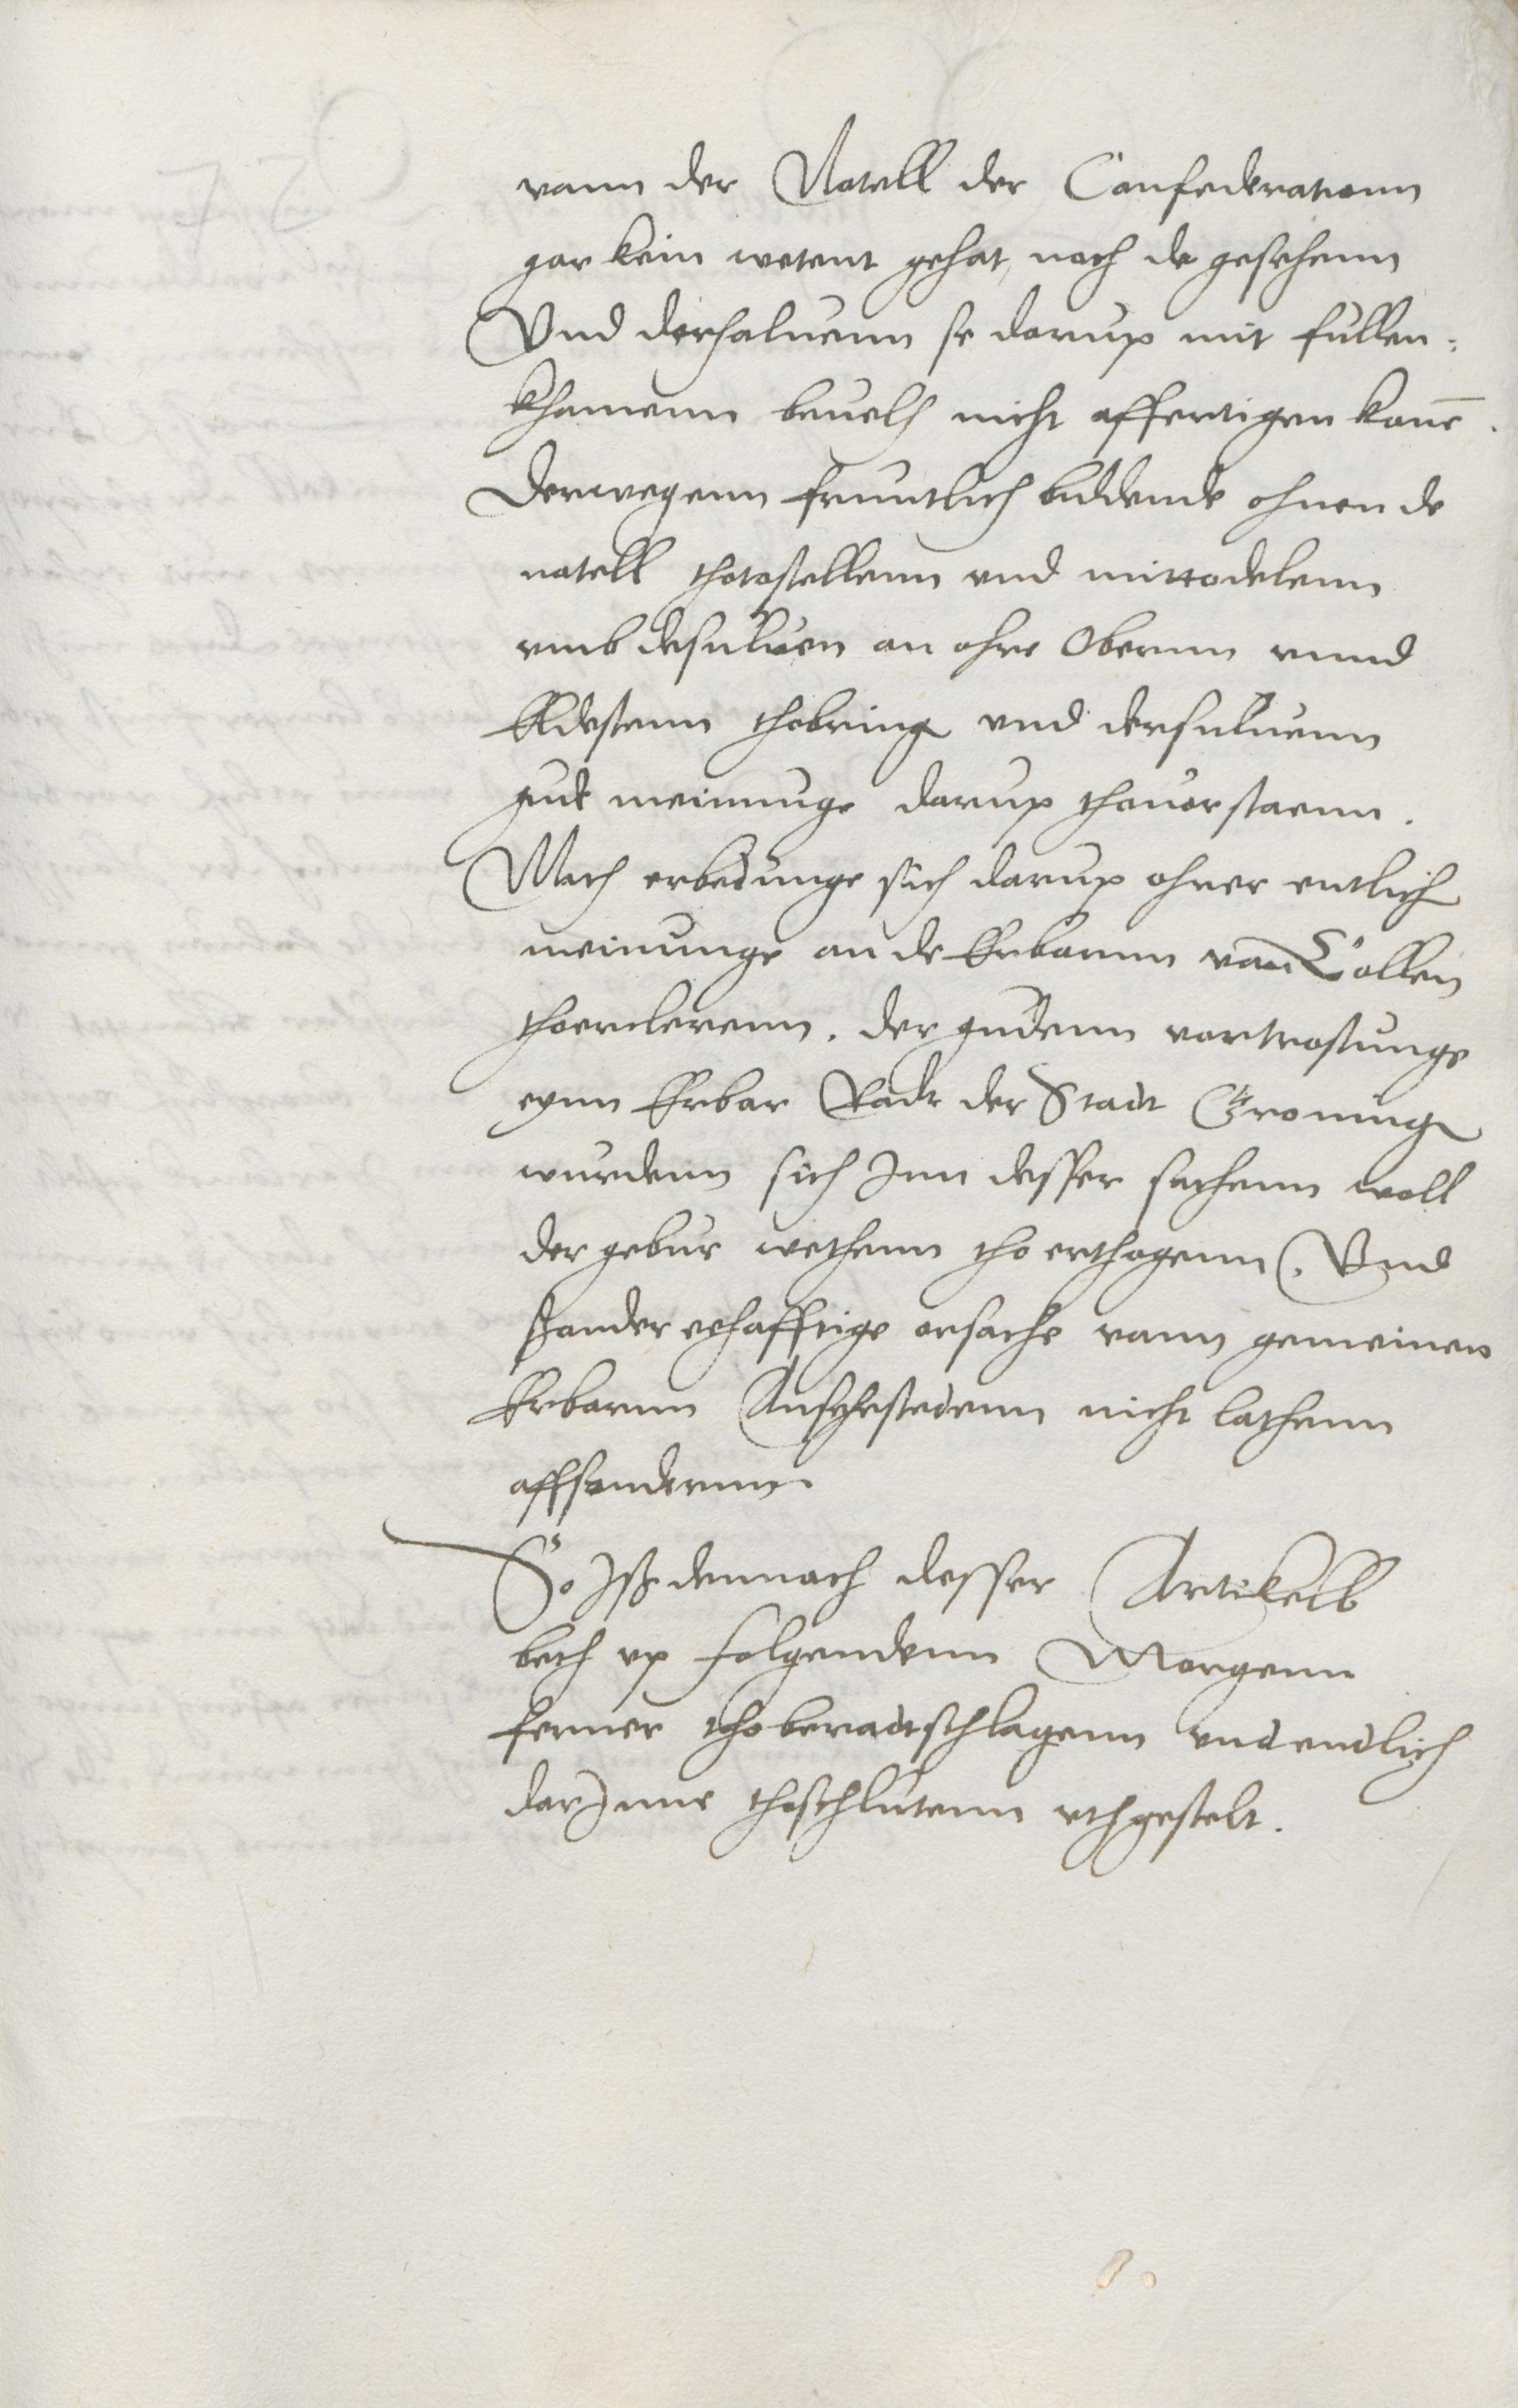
vann der Notell der Confederationn
gar kein wetent gehat, noch de gesehenn
Vnd derhaluenn se dorup mit fullen¬
khamenn beuelh nicht affertigen konen.
Derwegenn fruntlich biddende ohnen de
notell thotostellenn vnd mittodelenn
vmb desuluen an ohre Obernn vnnd
Eldestenn thobringen vnd dersuluenn
gude meinunge darup thouorstaenn.
Mith erbedunge sich darup ohrer entlichen
meinunge an de Erbarnn van Collen
thoerclerenn, der gudenn vortrostunge
eynn Erbar Radt der Stadt Groningen
wurdenn sich jnn desser sachenn woll
der gebur wethenn tho erthogenn Vnd
ßonder eehafftige orsache vann gemeinen
Erbarnn Ansehestedenn nicht lathenn
affßondernn.
So jß dennoch desser Artikell
beth vp Folgendenn Morgenn
ferner thoberadtschlagenn vnd endlich
darjnne thoschlutenn vthgestelt.
